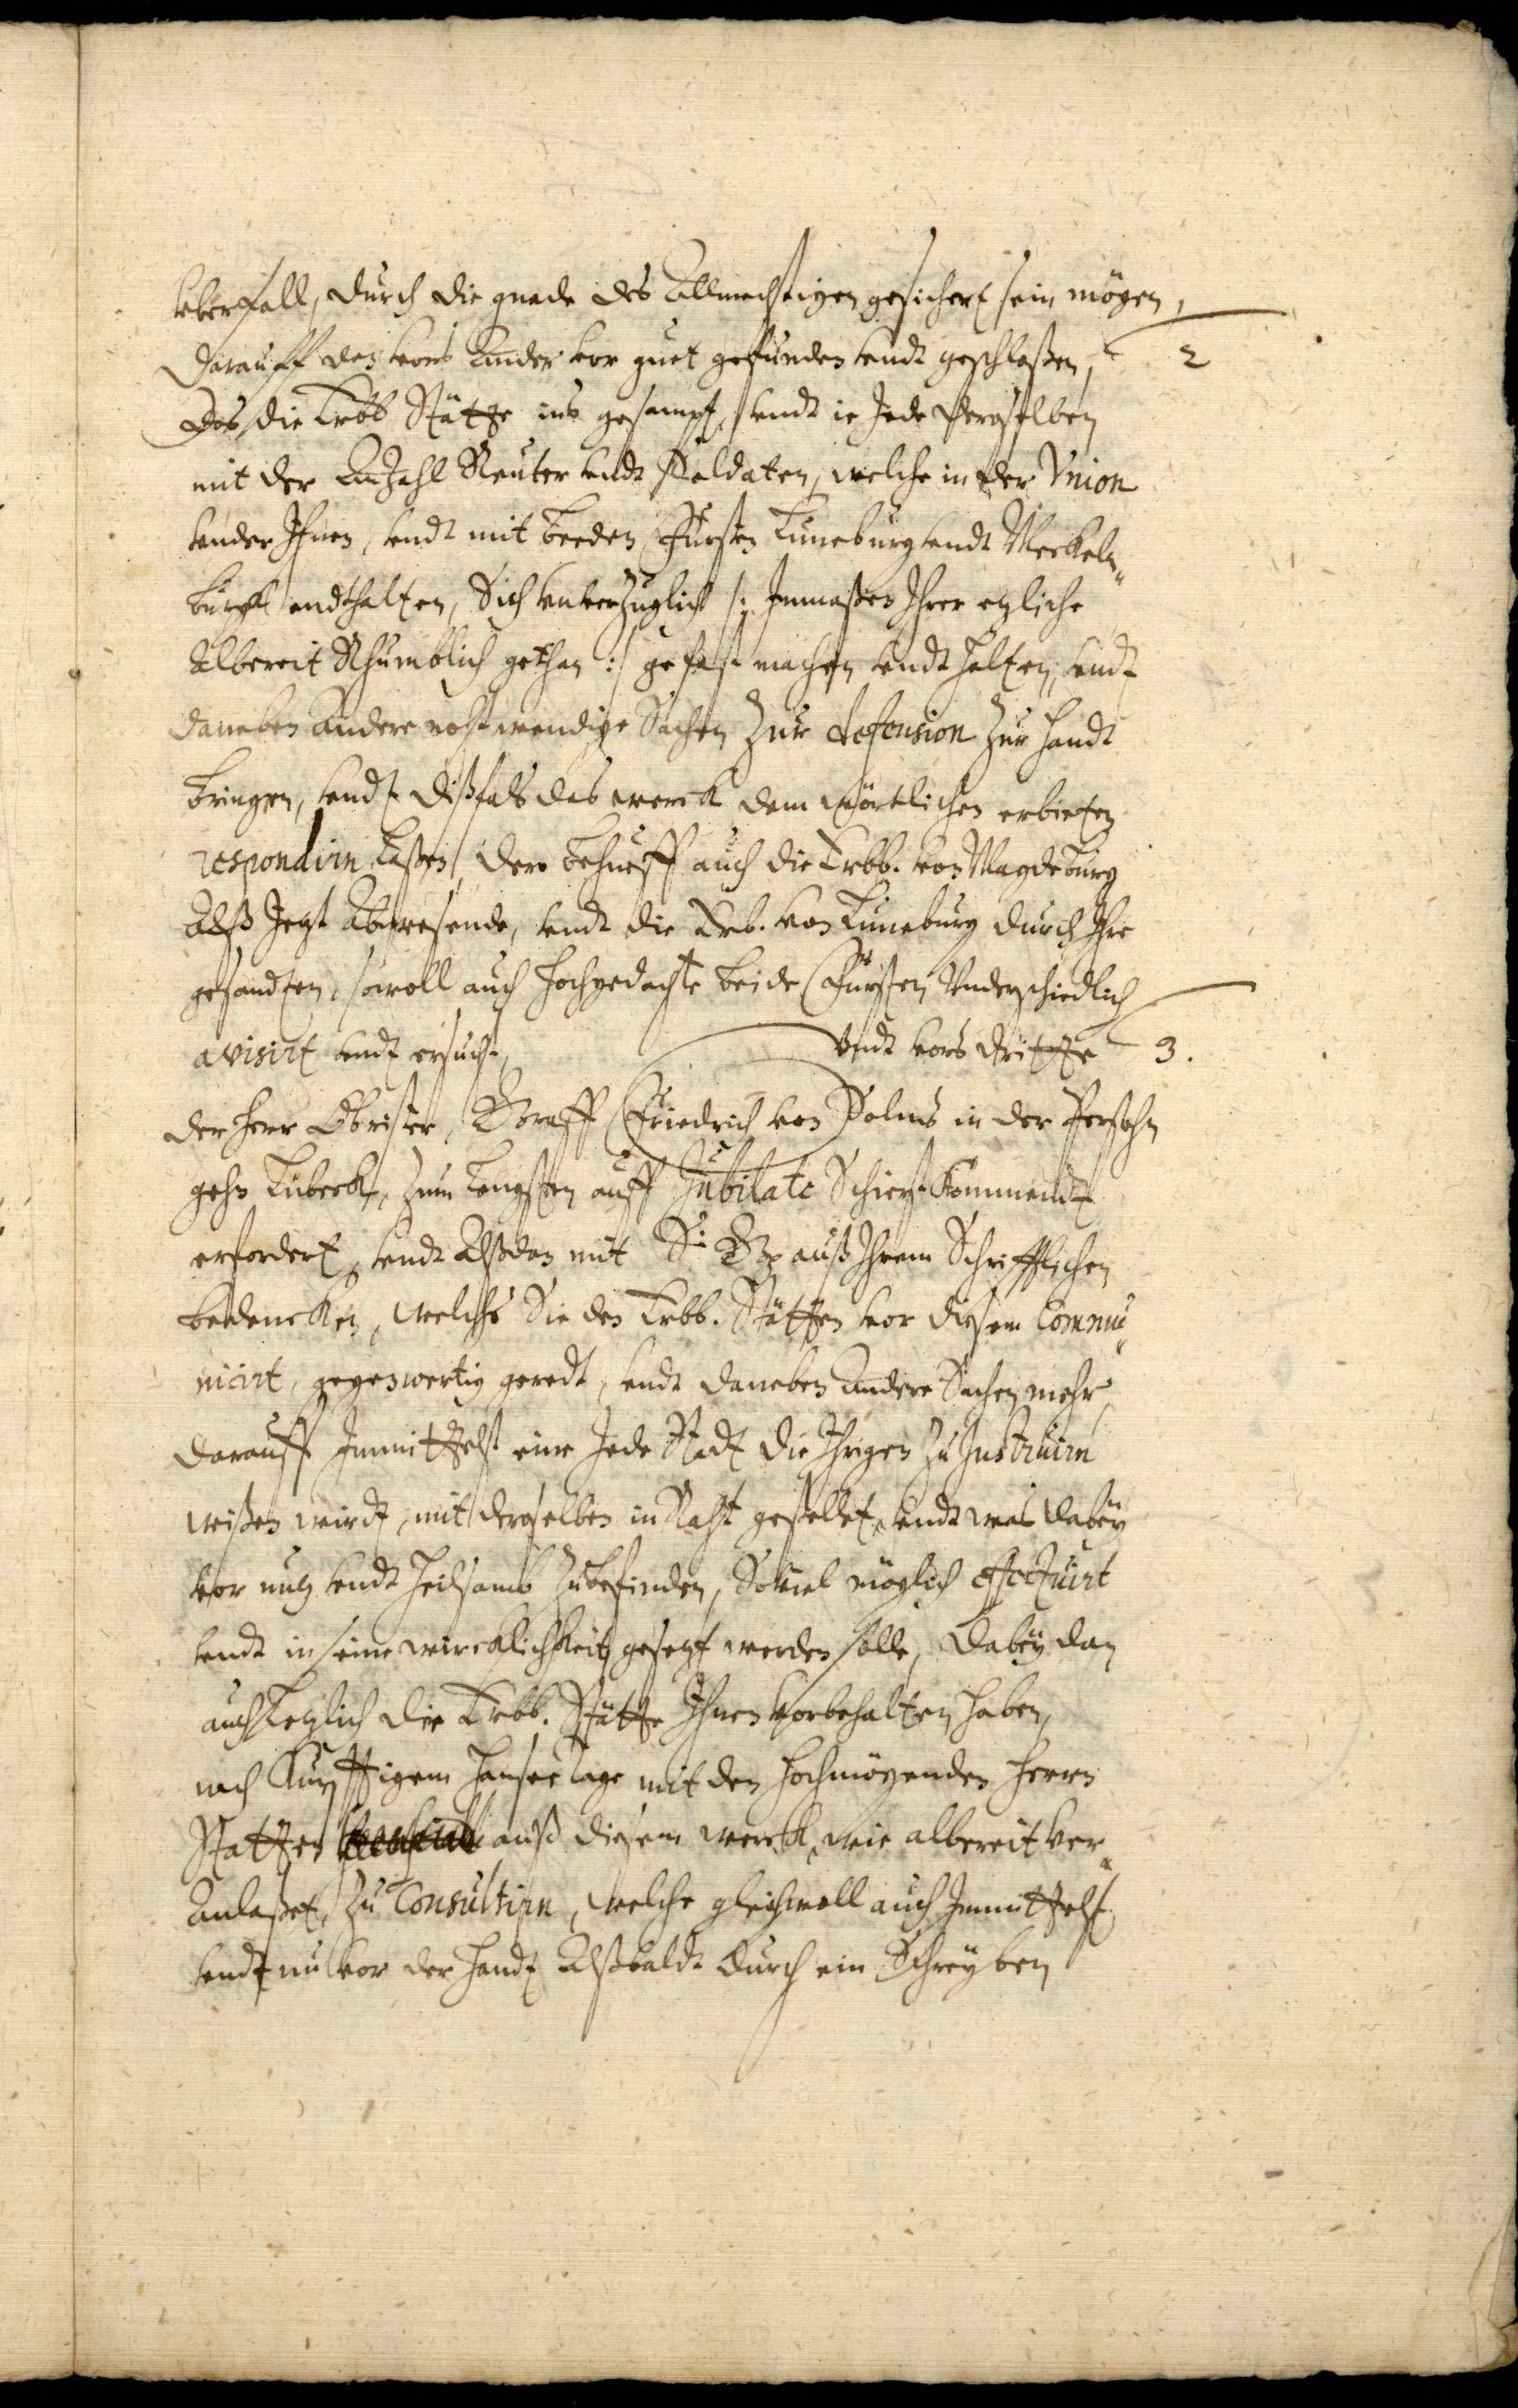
vberfall, durch die gnade des Allmechtigen gesichert sein mögen,
Darauff den vors Ander vor guet gefunden vndt geschloßen,
das die Erbb Stätte ins gesampt, vndt in Jede deroselben
mit der Anzahl Reuter vndt Soldaten, welche in der Vnion
vnder Ihnen, vndt mit beeden, Fursten Lüneburg vndt Meckeln¬
burgk endthalten, Sich vnverzuglich /: Inmaßen Ihrer etzliche
Albereit Rhumblich gethan :/ gefaßt machen vndt halten; vndt
daneben Andere nohtwendige Sachen zur defension zur handt
bringen, vndt dißfals das werck dem wörtlichen erbieten
respondirn laßen, dero behueff auch die Erbb. von Magdeburg
Alß Jetzt Abwesende, vndt die Erb. von Luneburg durch Ihre
gesandten, sowoll auch hochgedachte beide Fursten Vnderschiedlich
avisirt vndt ersucht. Vndt vors dritte
der herr Obrister, Graff Friedrich von Solms in der Persohn
gehn Lübeck, zum Lengsten auff Jubilate Schierst kommendt
erfordert, vndt Alßdan mit S: G. auß Ihrem Schrifftlichen
bedencken, welchs Sie den Erbb:. Stätten vor diesem Commu¬
nicirt, gegenwertig geredt, vndt daneben Andere Sachen mehr,
darauff Immittelst eine Jede Stadt die Ihrigen zu Instruirn
wißen wirdt, mit deroselben in Raht gestellet vndt was dabeij
vor nutz vndt heilsamb zubefinden, Soviel möglich effectuirt
vndt in seine wircklichkeit gesetzt werden solle, dabeij dan
auch Letzlich die Erbb. Stätte Ihnen vorbehalten haben,
nach kunfftigem hansee Tage mit den hochmögenden herrn
Statten auß diesem werck, wie albereit ver¬
Anlaßet, zu Consultirn, welche gleichwoll auch Immittelst
vndt nu vor der handt Alßbaldt durch ein Schreijben
2
3.
